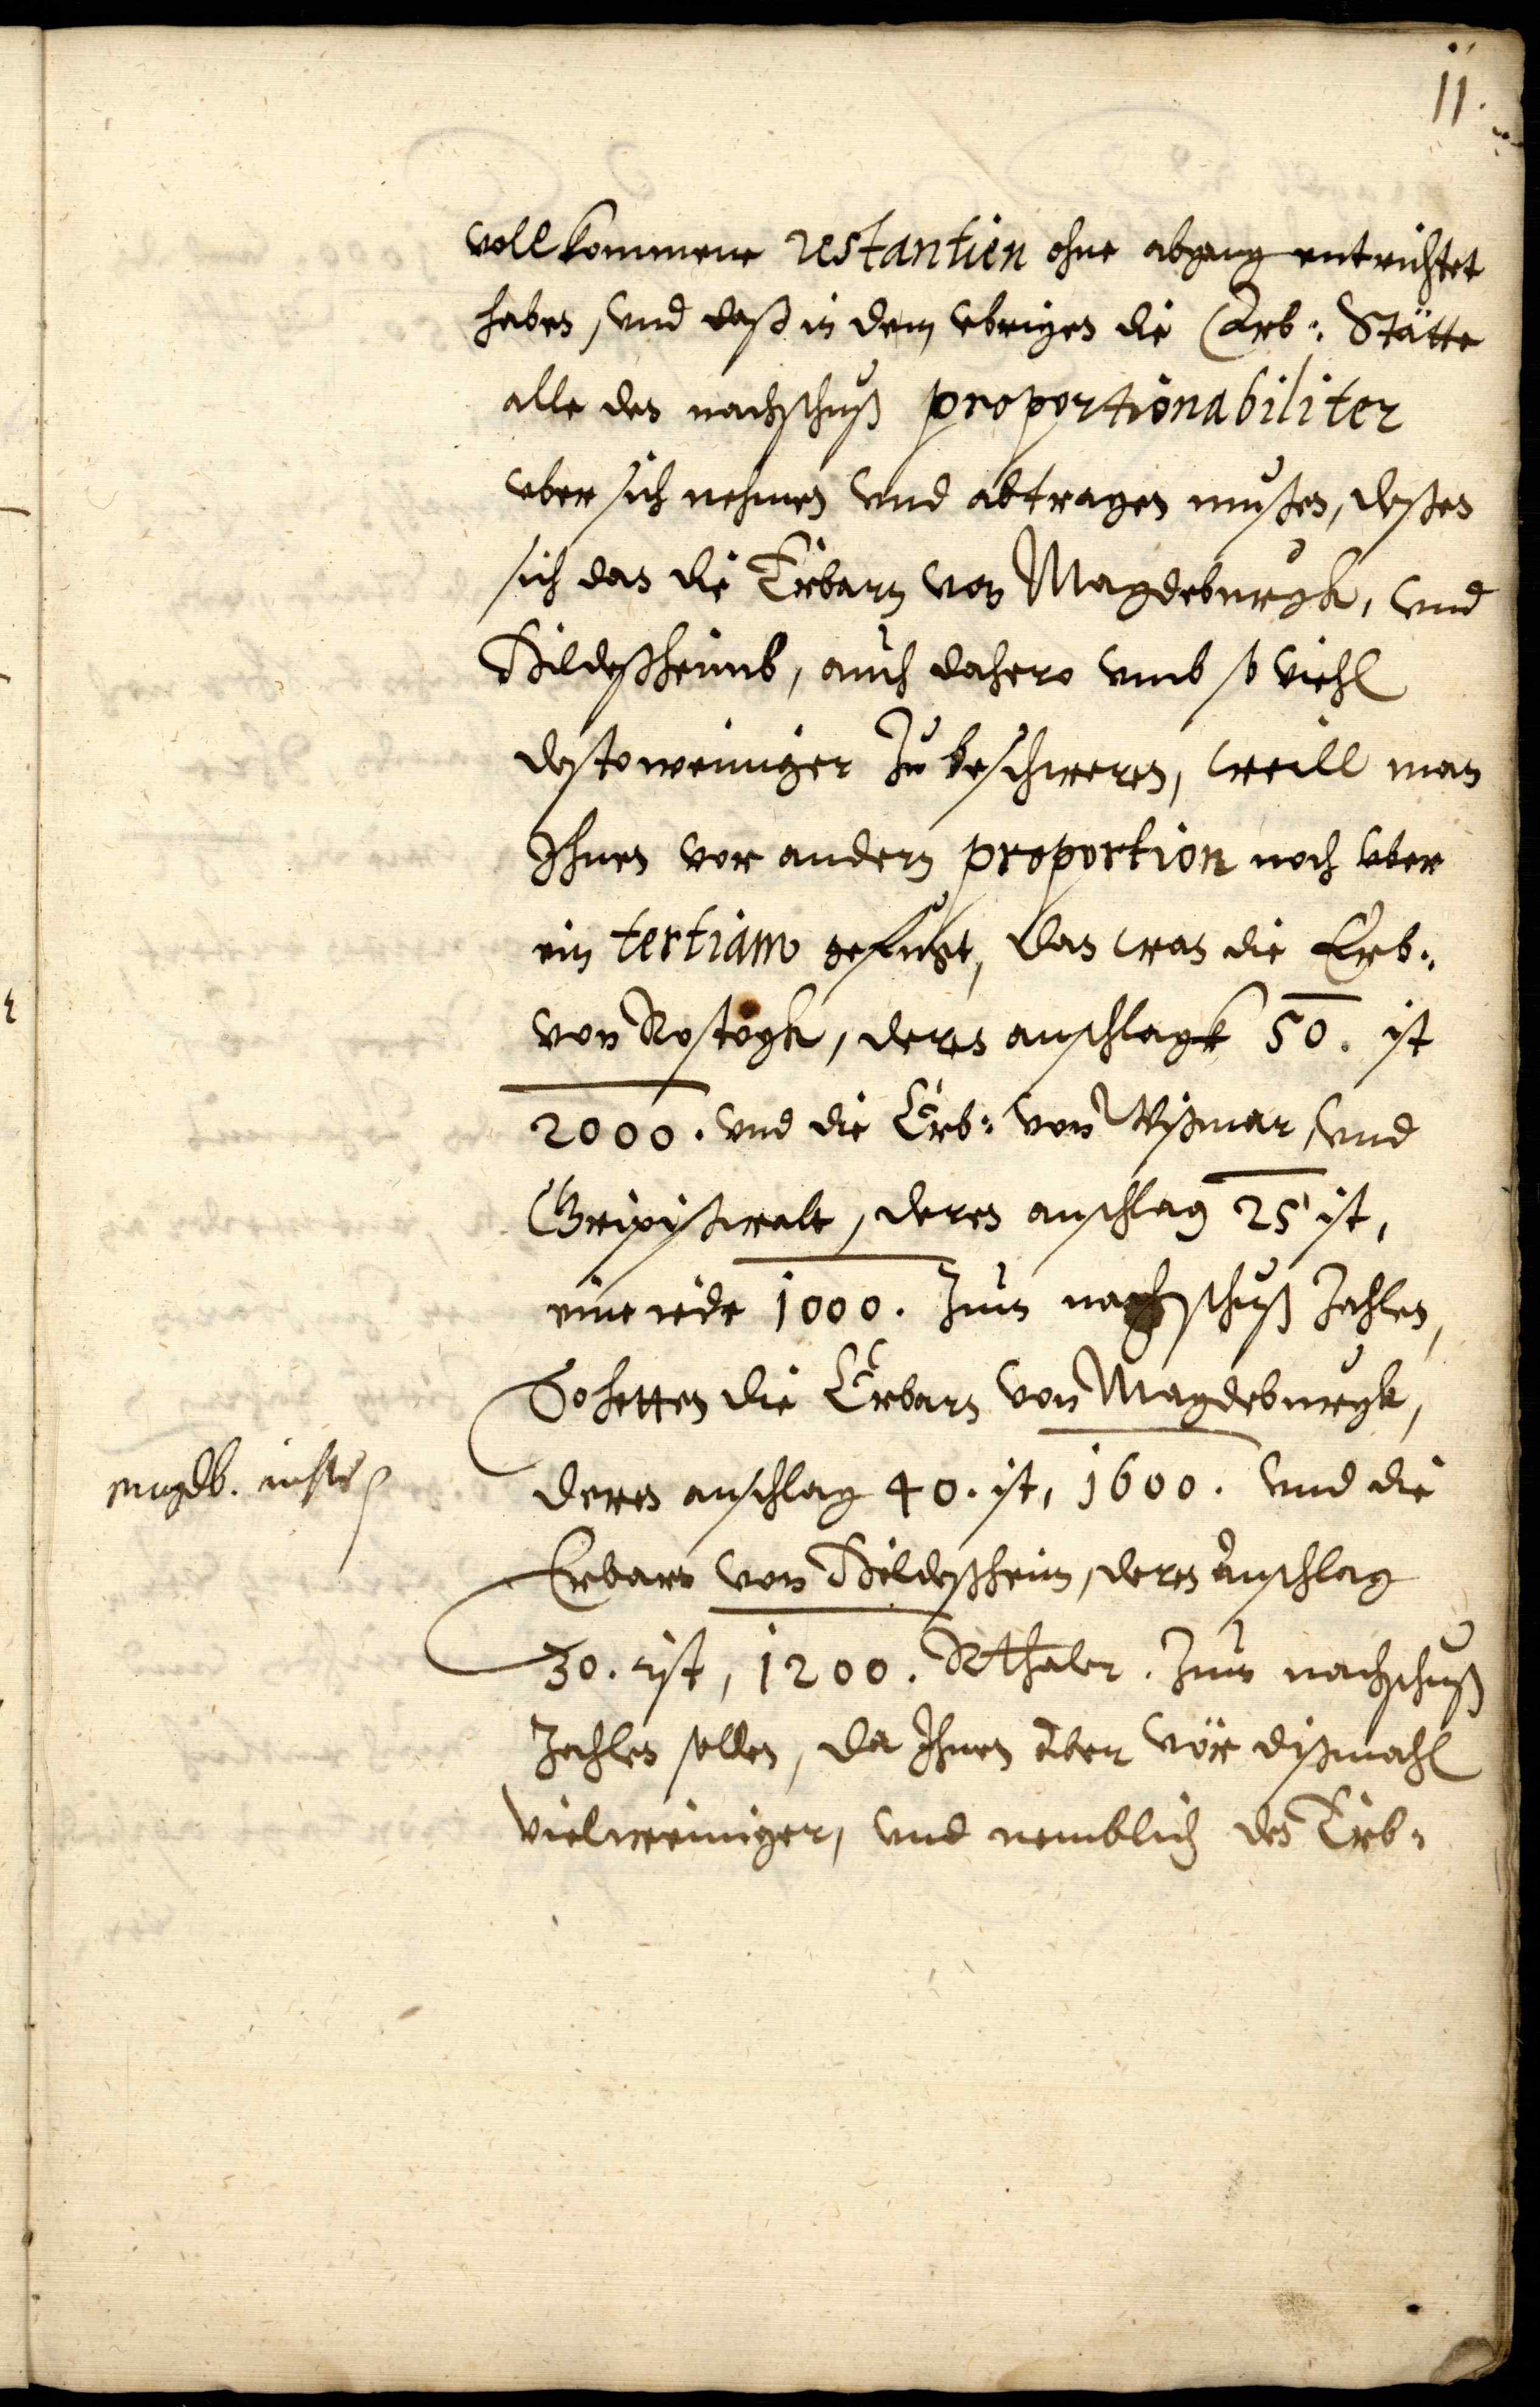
11.
magdb. nichts p
vollkommene restantien ohne abgang entrichtet
haben, vnd daß in dem vbrigen die Erb: Stätte
alle den nachschuß proportionabiliter
vber sich nehmen vnd abtragen musten, deßen
sich dan die Erbarn von Magdeburgk, vnd
Hildeßheimb, auch dahero vmb so viehl
desto weiniger zu beschweren, weill man
Ihnen vor andern proportion noch vber
ein tertiam gefugt, dan wan die Erb:
von Rostogk, deren anschlagk 50. ist
2000. vnd die Erb: von Wißmar, vnd
Gripißwalt, deren anschlag 25 ist,
eine iede 1000. zum nachschuß zahlen,
So hetten die Erbarn von Magdeburgk,
deren anschlag 40. ist, 1600. vnd die
Erbarn von Hildeßheim, deren Anschlag
30. ist, 1200. Rthaler. zum nachschuß
Zahlen sollen, da Ihnen aber vör dißmahl
vielweiniger, vnd nemblich den Erb:
